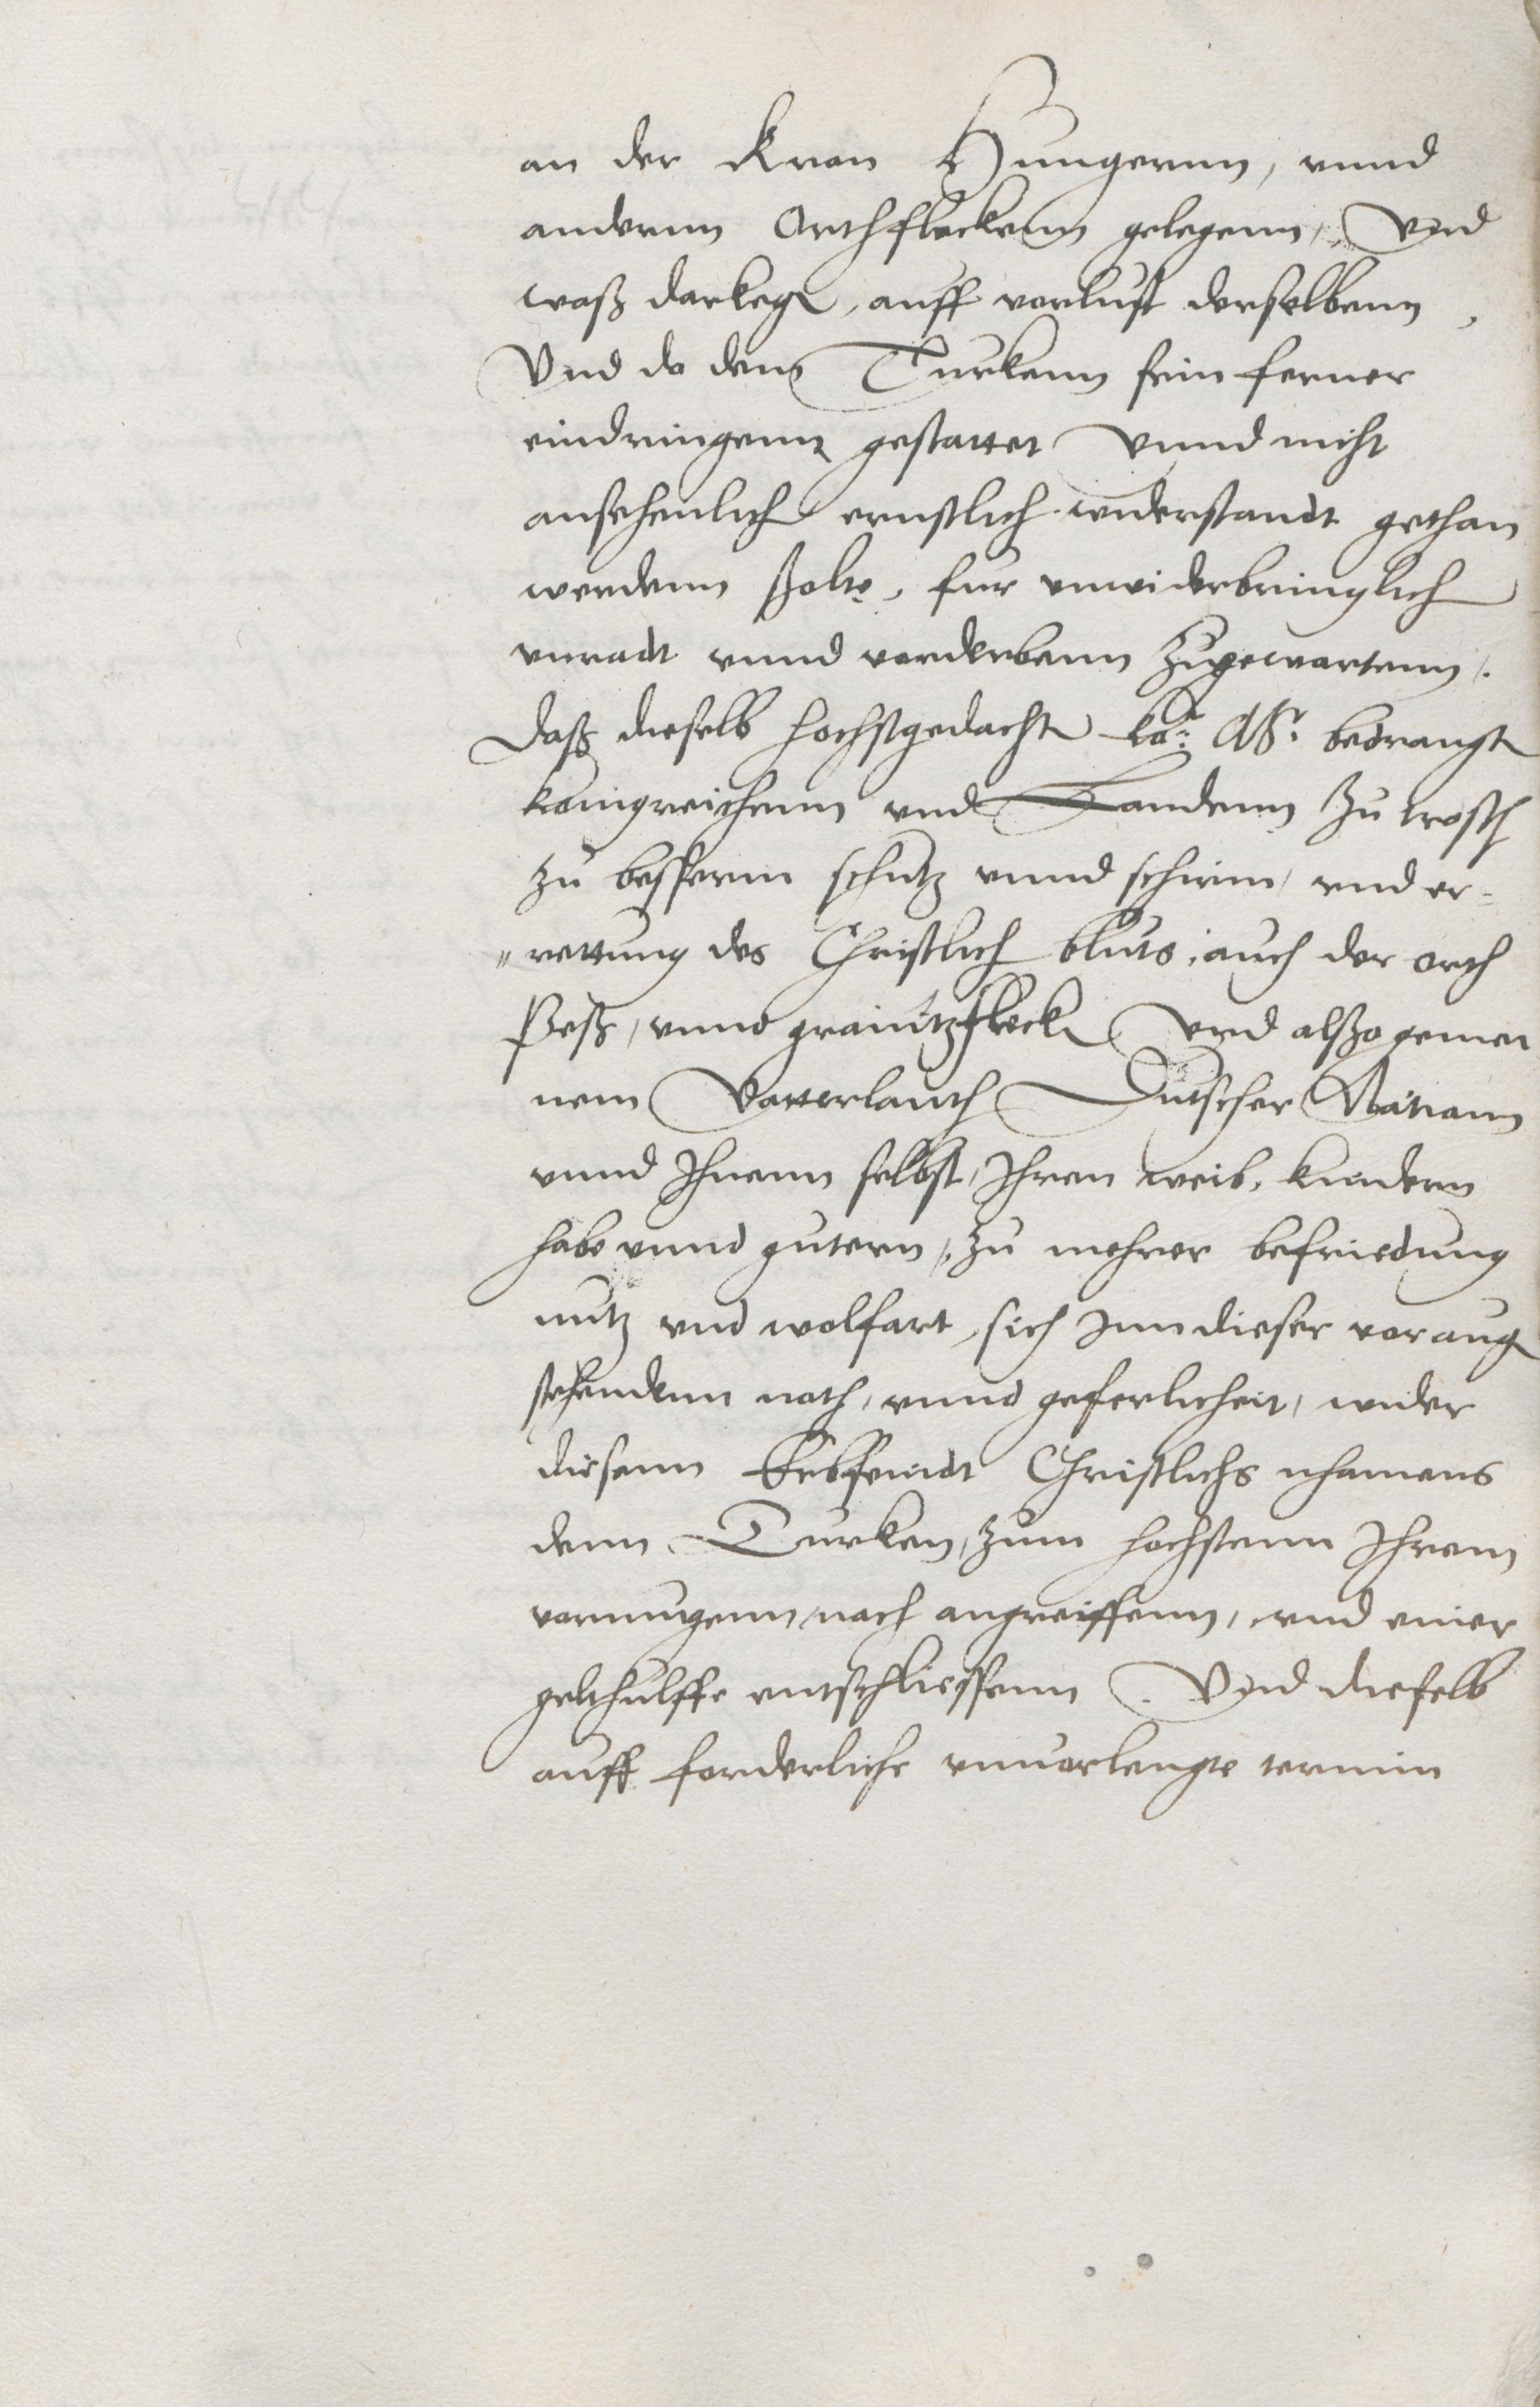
an der Kron Hungernn, vnnd
andernn Orthfleckenn gelegenn, Vnd
waß darkegen, auff vorlust derselbenn,
Vnd do dem Turkenn sein ferner
eindringenn gestattet Vnnd nicht
ansehenlichen ernstlichen widerstandt gethan
werdenn ßolte, fur vnwiderbringlichen
vnradt vnnd vorderbenn zugewartenn.
Daß dieselb hochstgedachter Ko: Mt: bedrangten
Konigreichenn vnd Landenn zu trosth
zu besserm schutz vnnd schirm, vnd er¬
rettung des Christlichen bluts, auch der Orth
Peß, vnnd gramtzflecken Vnd alßo gemei¬
nem Vatterlanth Dutscher Nationn
vnnd jhnenn selbst, jhren weib, kindern
habe vnnd gutern, zu mehrer befriedung
nutz vnd wolfart, sich jnn dieser vor augen
stehendenn noth, vnnd geferlicheit, wider
diesenn Erbfeindt Christlichs nhamens
denn Turken, zum hochstenn jhrem
vormugenn nach angreiffenn, vnd einer
gelthulffe entschliessenn Vnd dieselb
auff forderliche vnuorlengte termin
